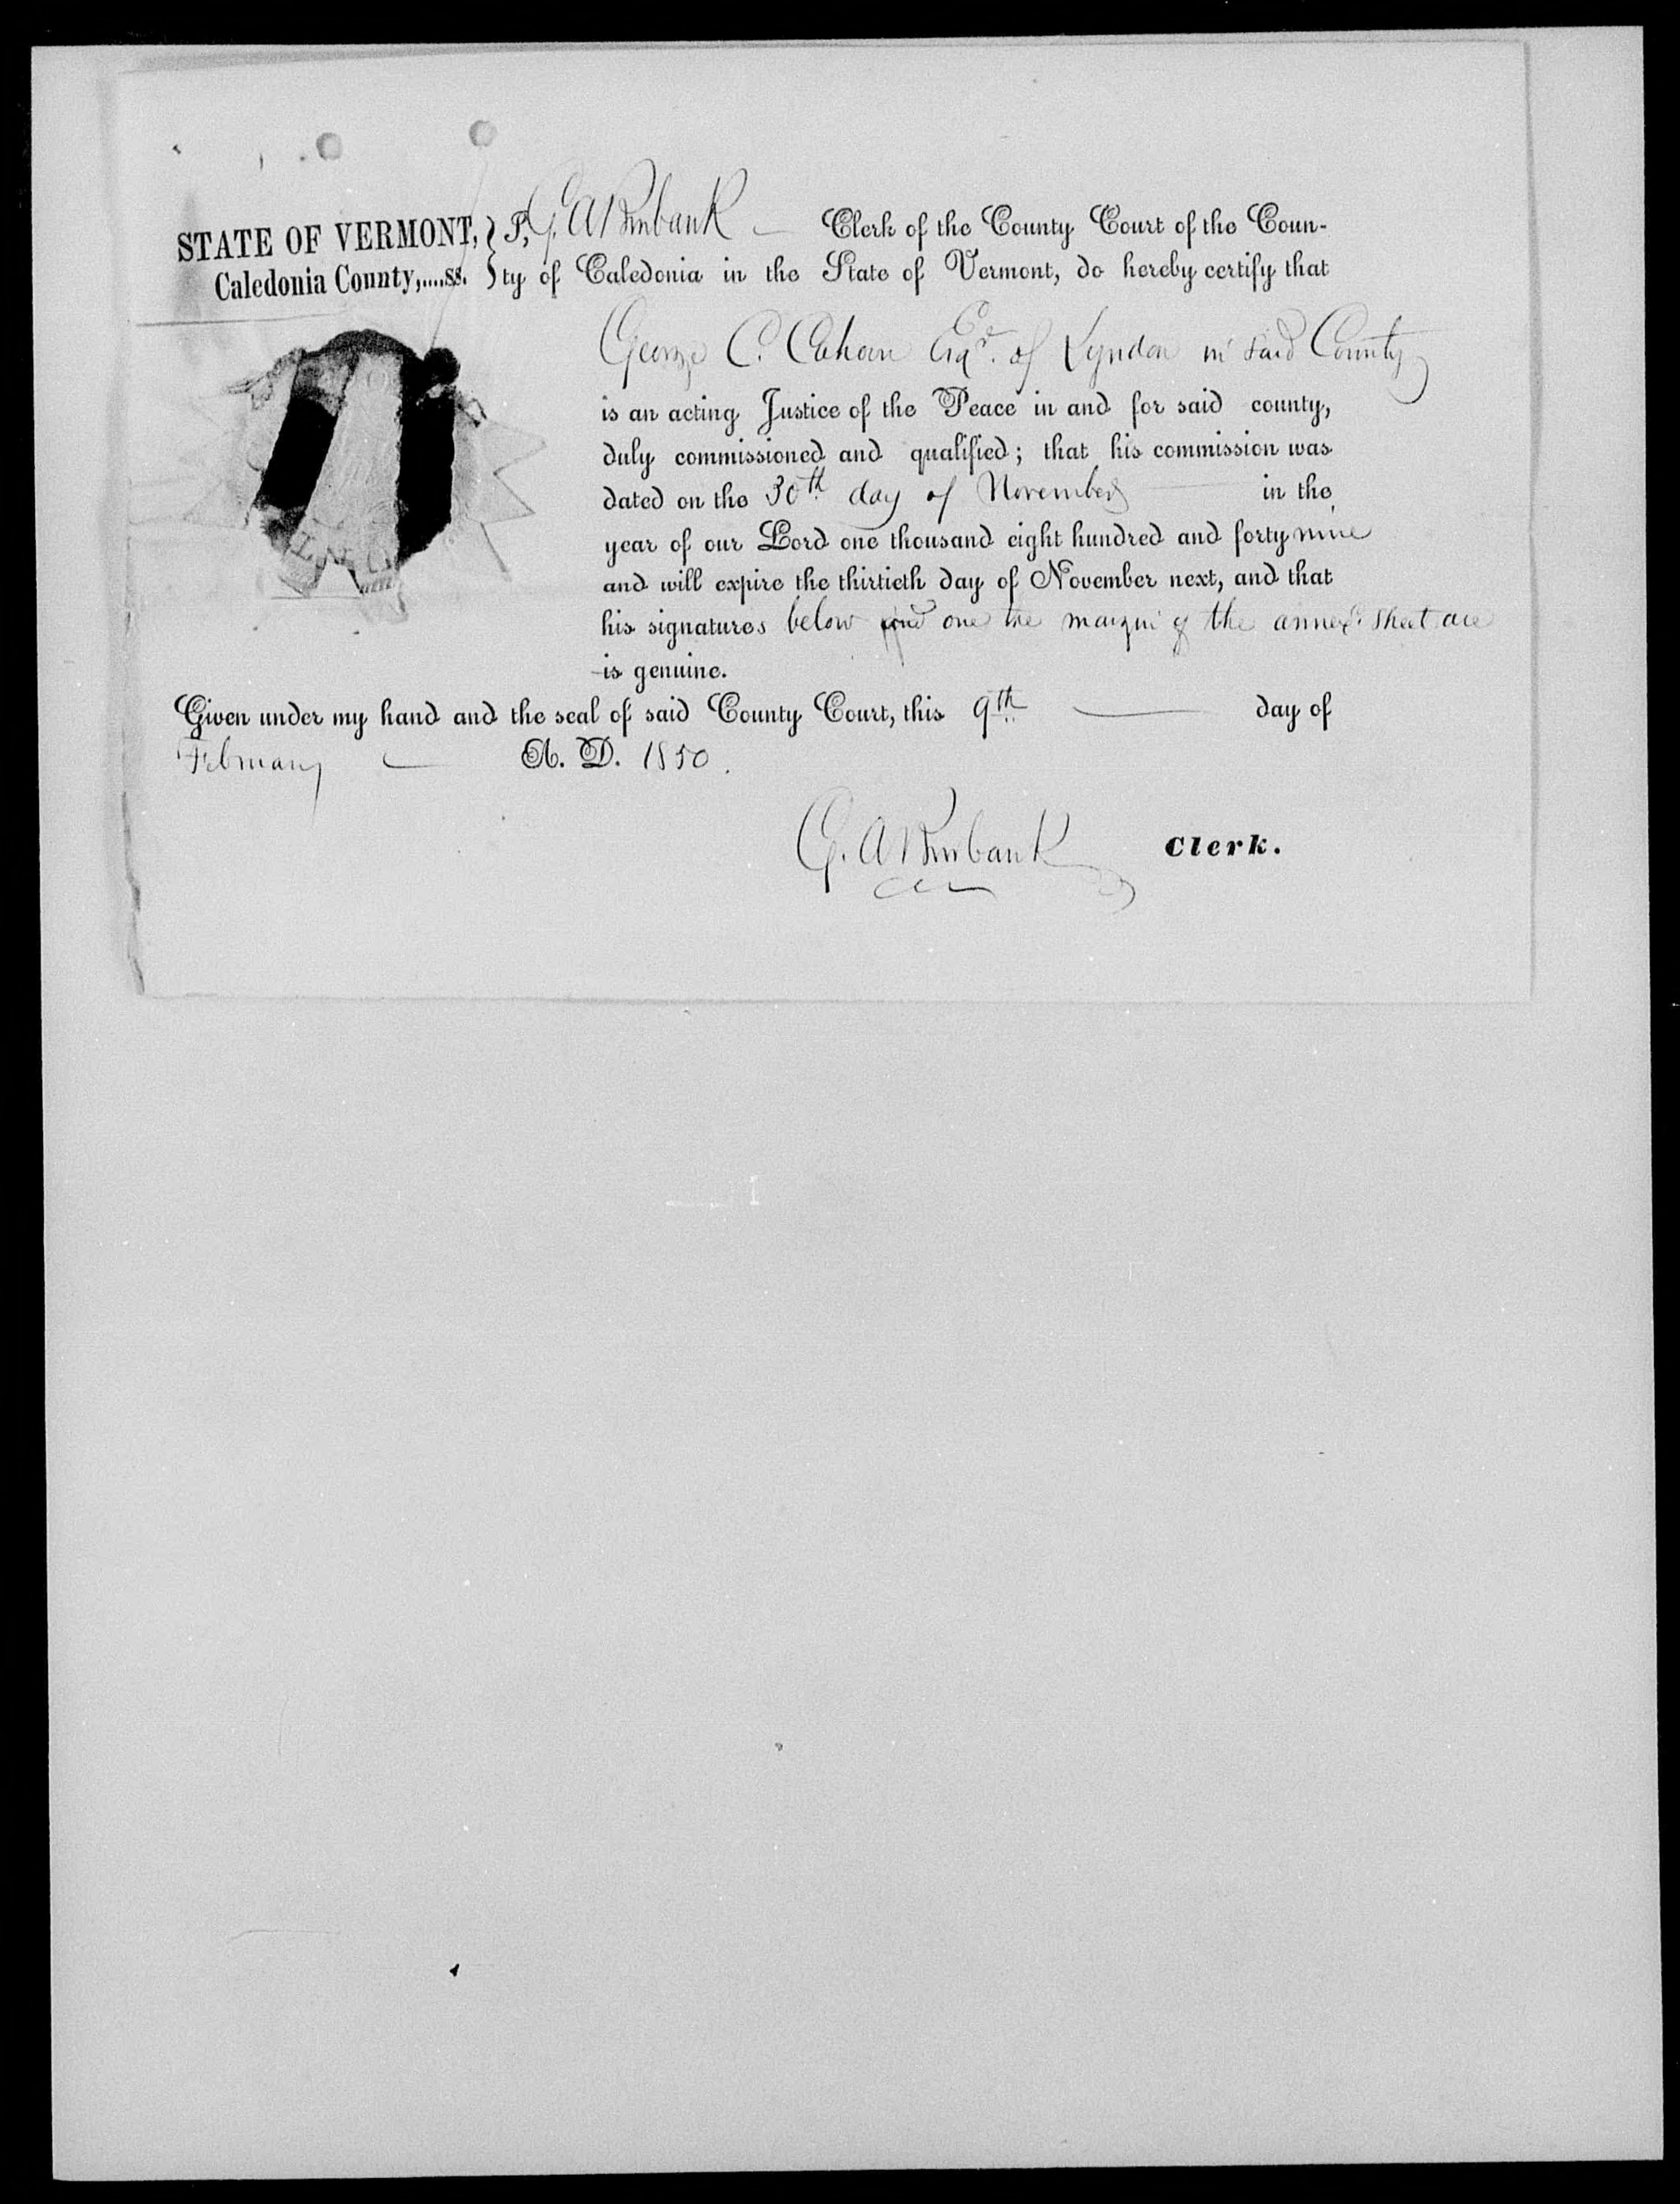STATE OF VERMONT,
Caledonia County,....ss.
I, G. A Burbank, Clerk of the County Court of the County of Caledonia in the State of Vermont, do hereby certify that George C. Cahoon Esq. of Lyndon in said County is an acting Justice of the Peace in and for said county, duly commissioned and qualified; that his commission was dated on the 30th day of November in the year of our Lord one thousand eight hundred and forty nine and will expire the thirtieth day of November next, and that his signatures below and one the margin of the annexd. sheet are [crossed out: is] genuine.
Given under my hand and the seal of said County Court, this 9th day of February A. D. 1850
G. A Burbank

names: George C Cahoon; G A Burbank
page: 9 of 49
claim: widow's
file: W. 2164, for George Porter, Massachusetts